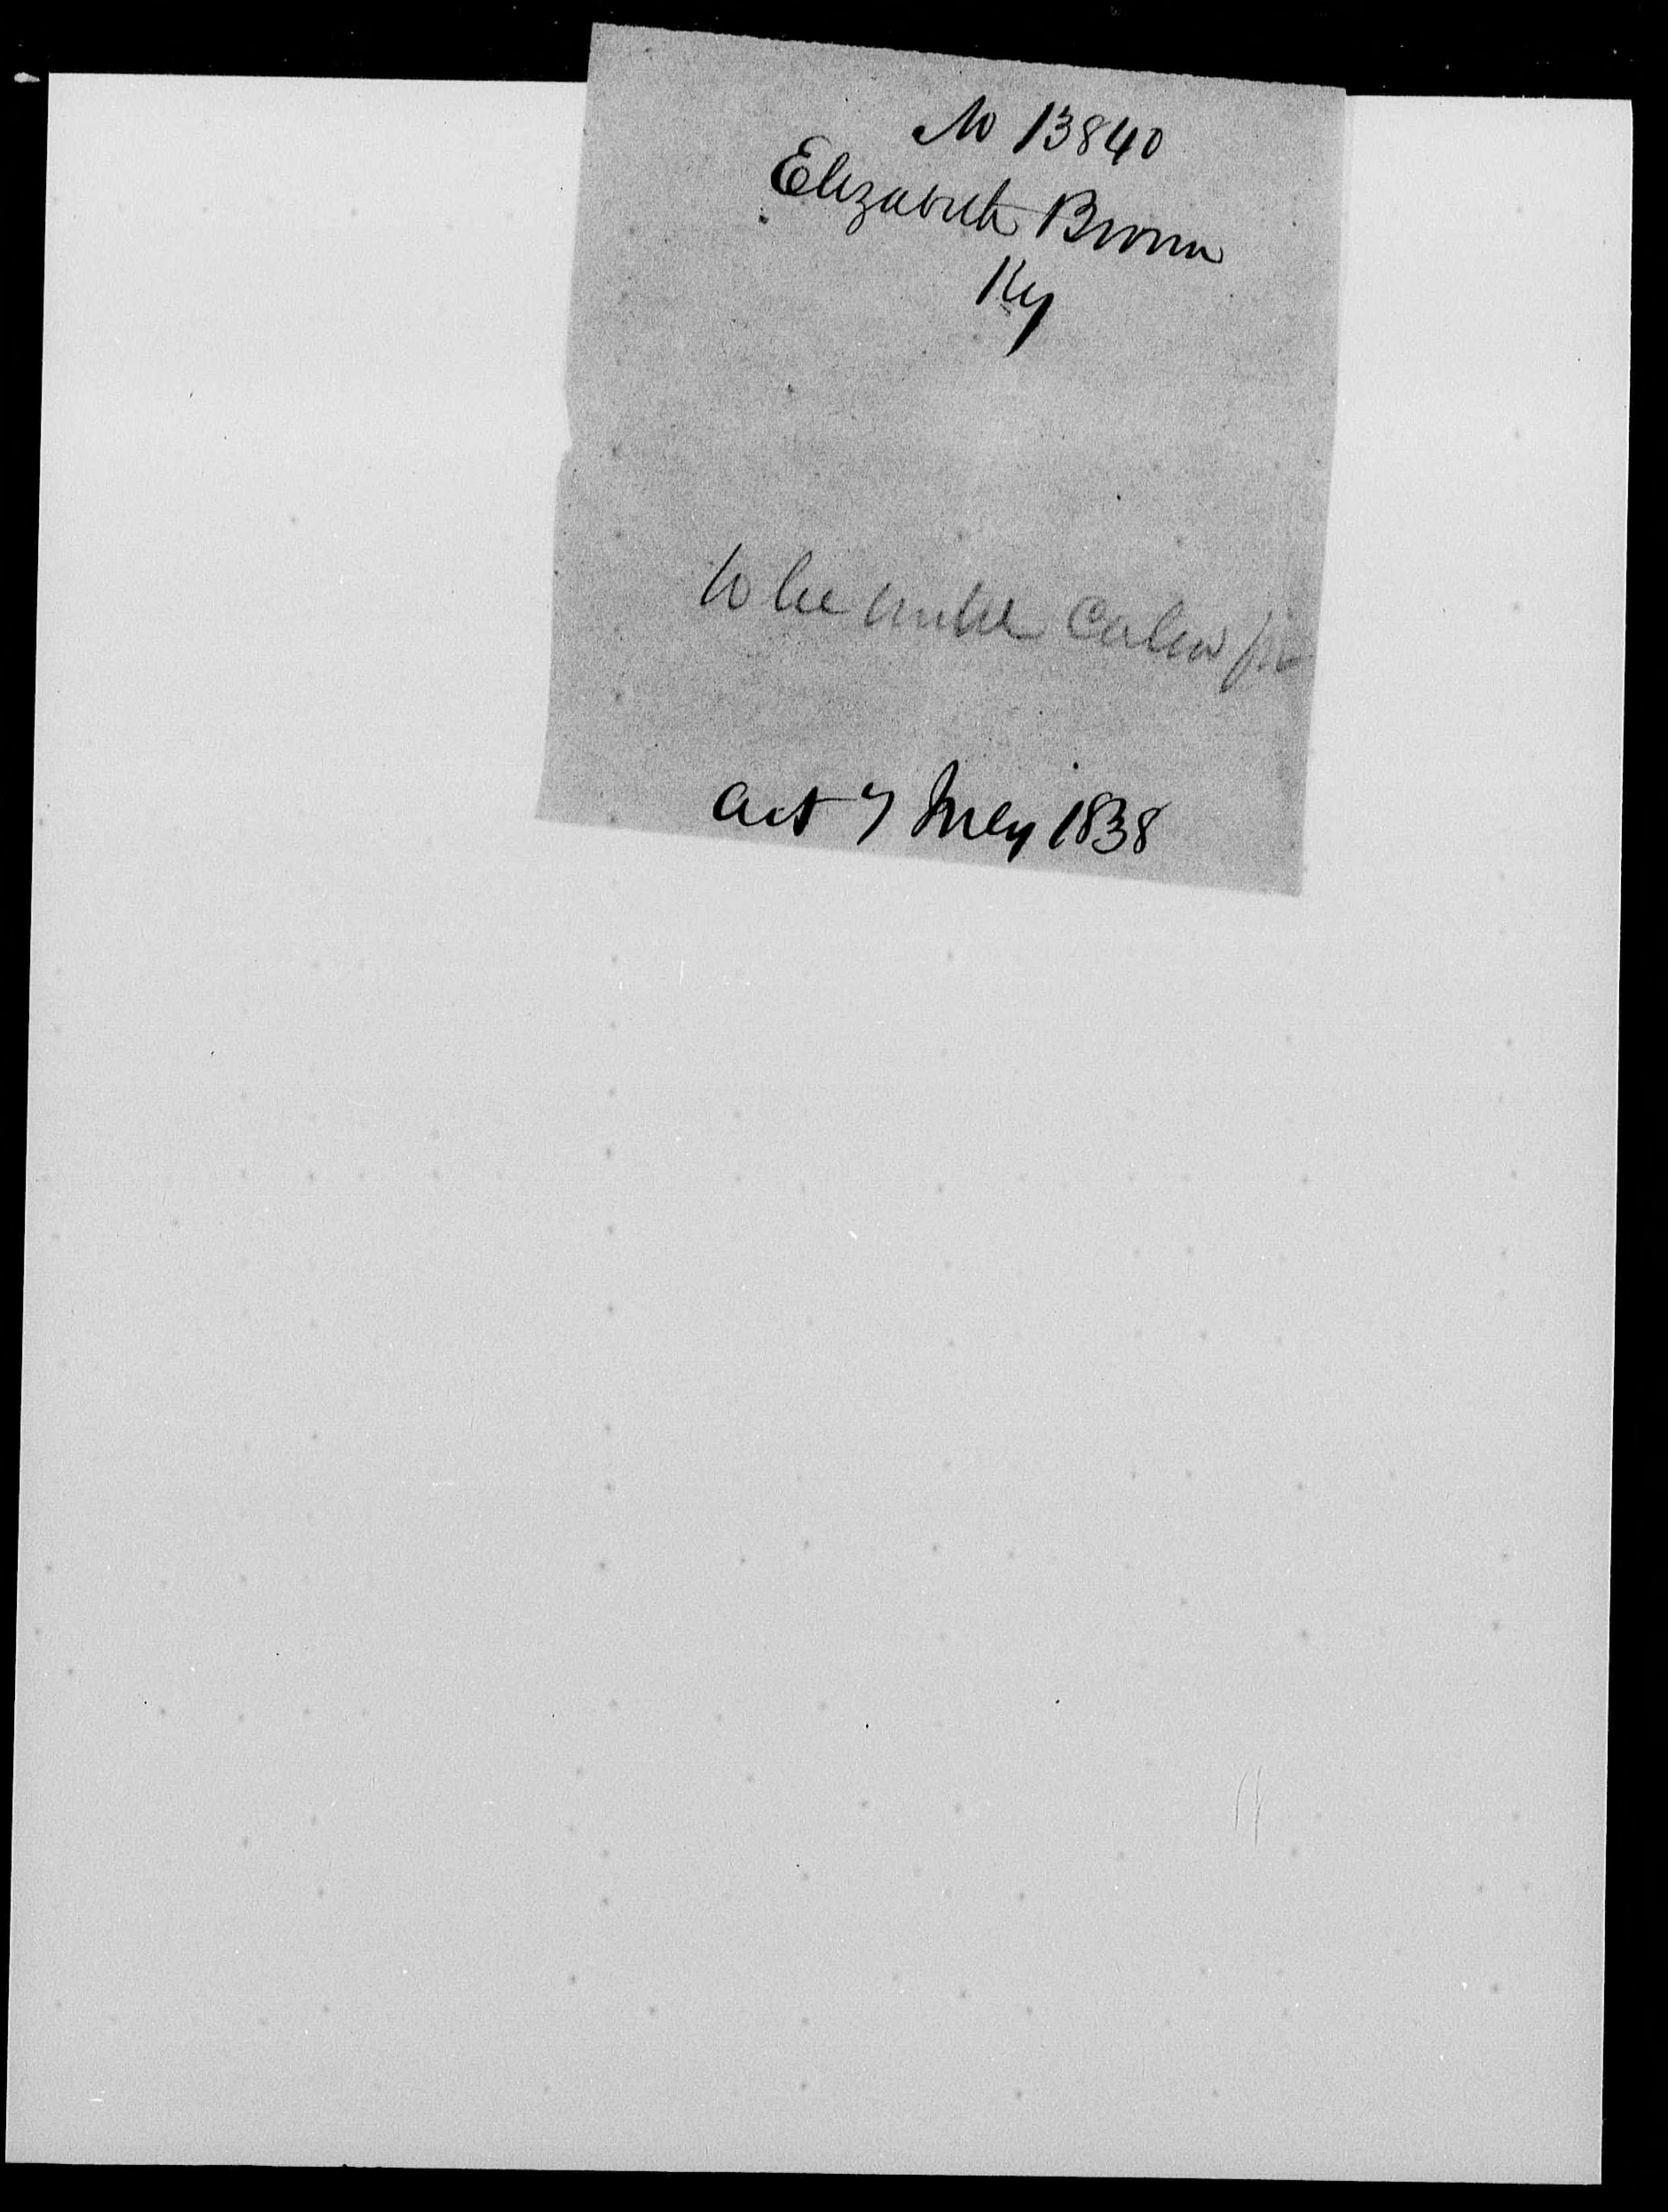No 13840
Elizabeth Brown
Ky

to be truth catew file

act of July 1838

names: Elizabeth Brown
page: 56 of 65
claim: widow's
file: W. 8384, Arabia Brown, Va.